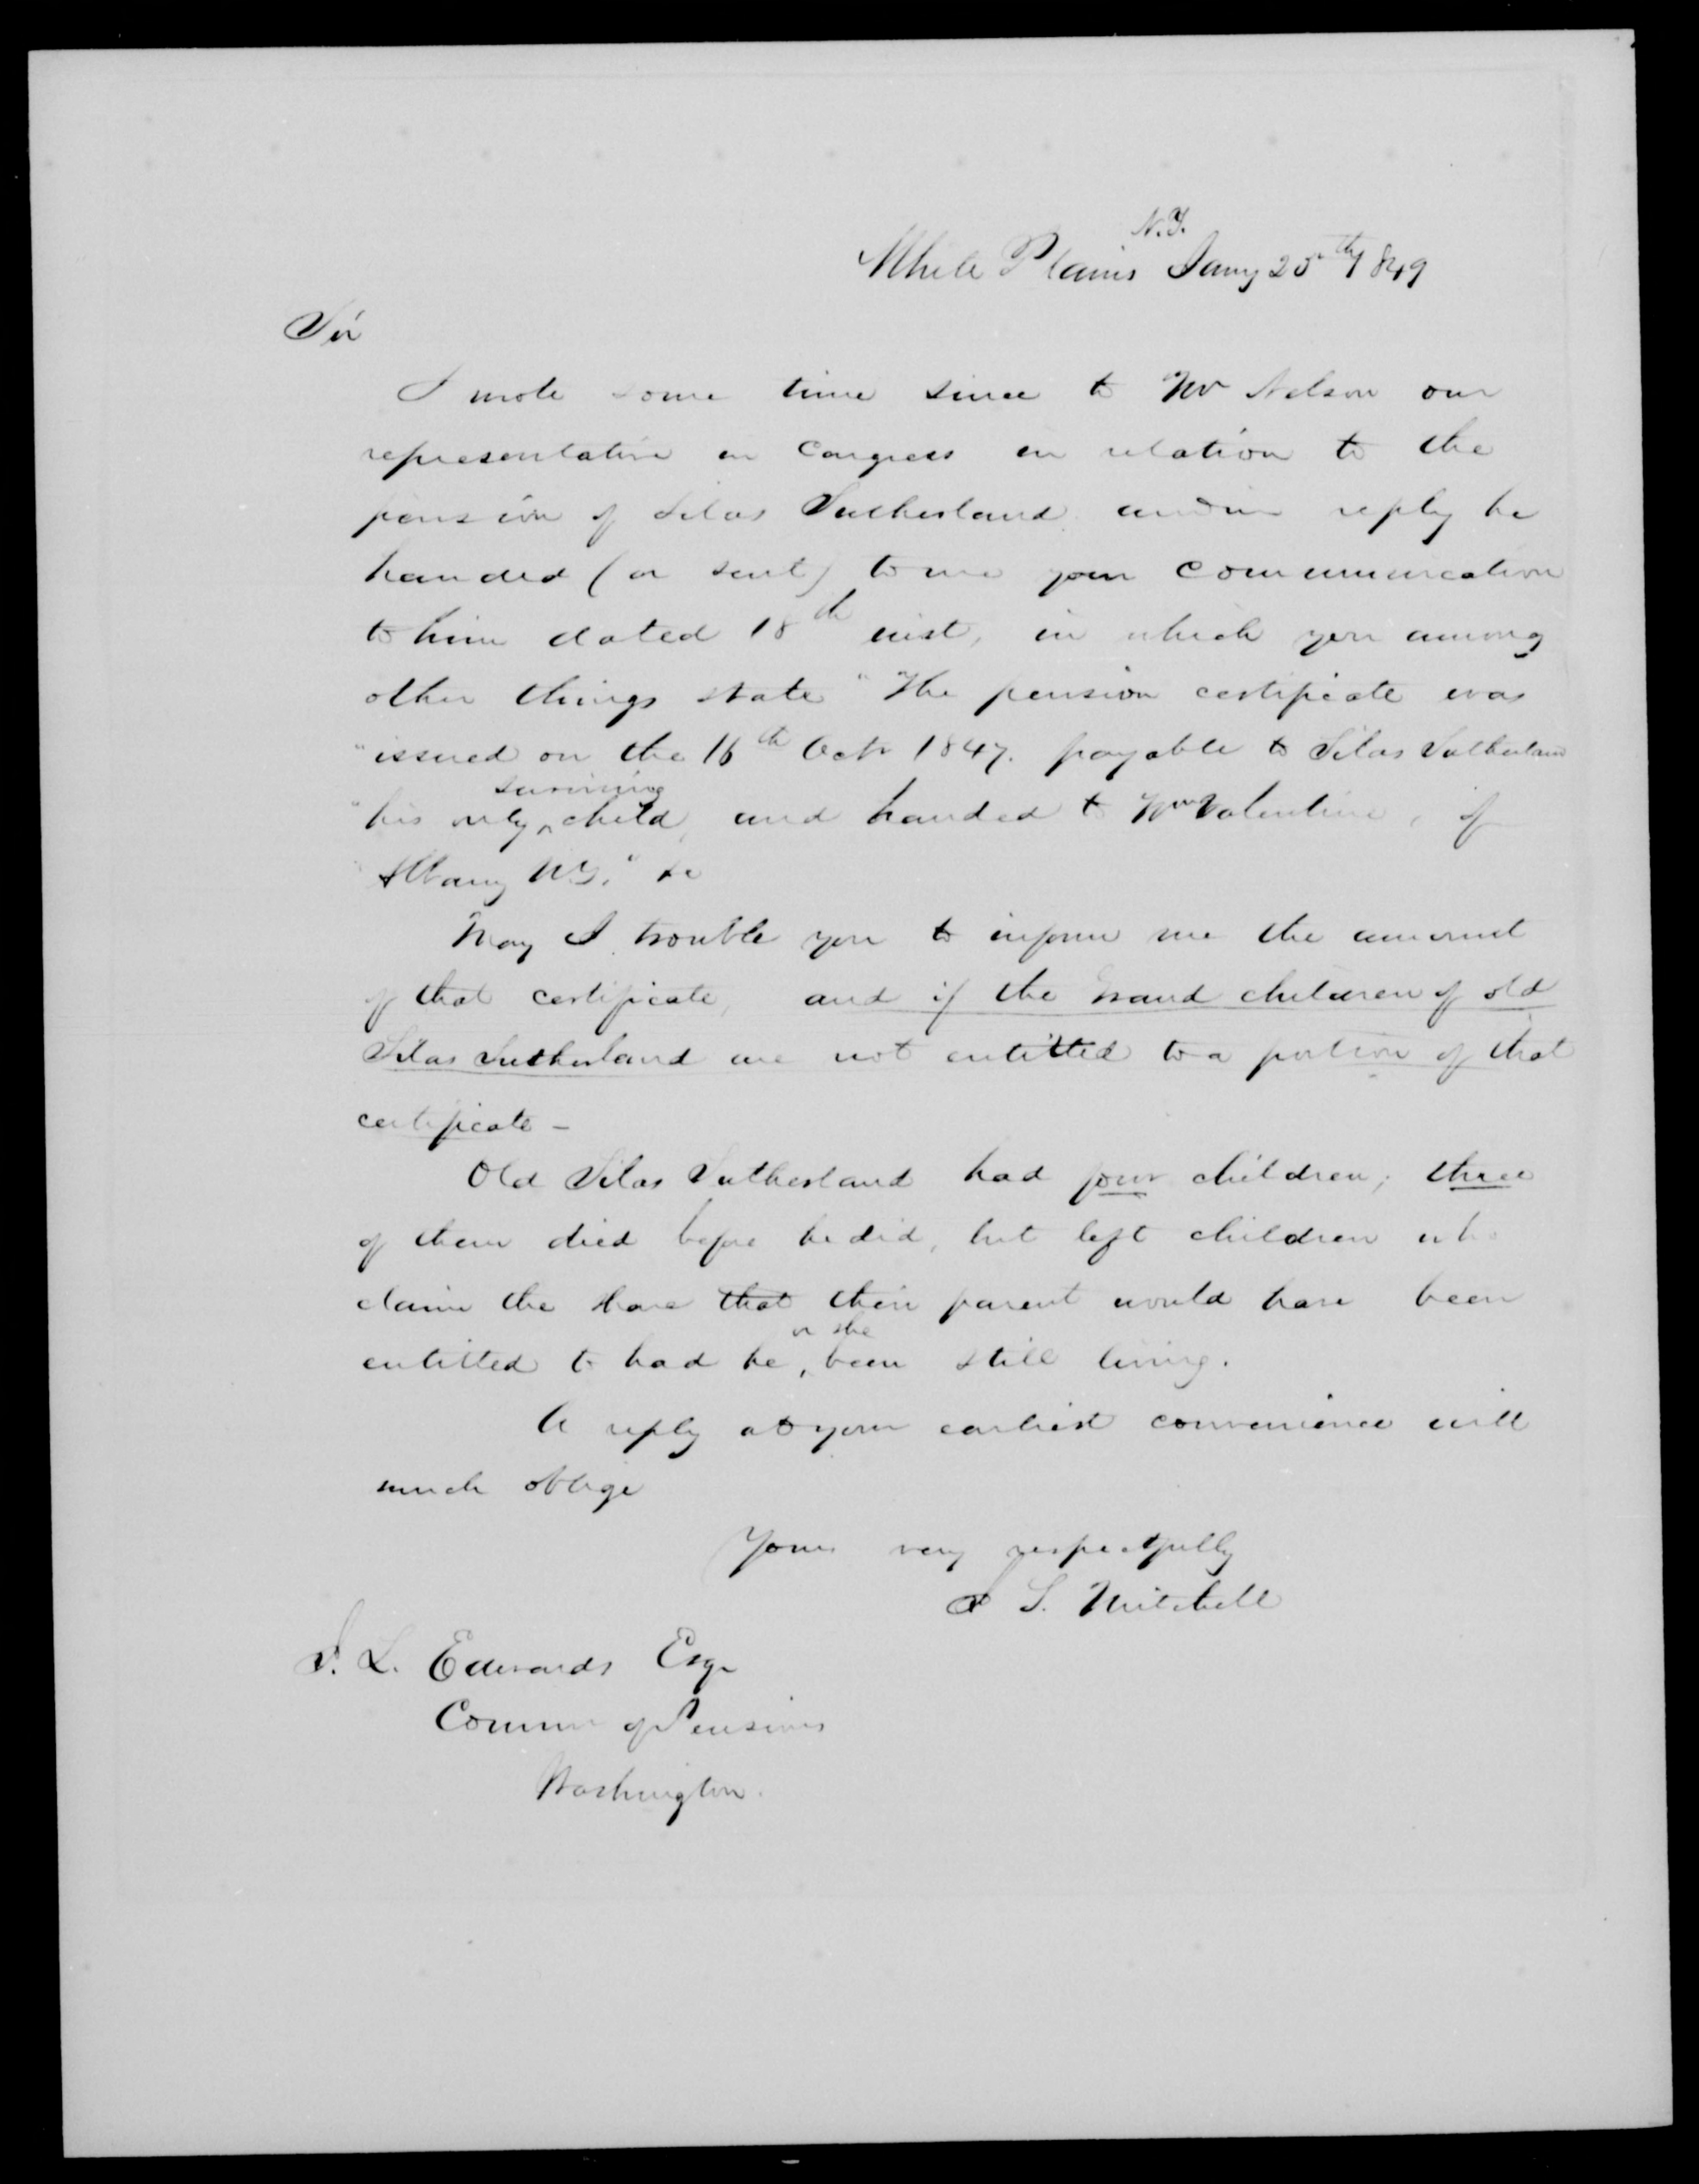White Plains N.Y. Jany 25 1849
Sir
 I wrote some time since to Mr Nelson our representative in congress in relation to the  pension of Silas Sutherland and in reply he handed (or sent) to me your communication to him dated 18th inst, in which you among other things state "The pension certificate was "issued on the 16th Oct 1847 payable to Silas Sutherland his only ^ surviving child, and handed to Wm Valentine of Albany NY &c
  May I trouble you to inform me the amount of that certificate, and if the Grand children of old Silas Sutherland are not entitled to a portion of that certificate -
  Old Silas Sutherland had four children, three of then died before he did, but left children who claim the share that their parent would have been entitled to had he or she been s till living.
  A reply at your earliest convenience will much oblige
  Yours very respectfully
 J L. Mitchell
J.L. Edwards Esqr
 Commr of Pensions
Washington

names: Silas Sutherland; Wm Valentine; J L Mitchell; Silas Sutherland; [BLANK] Nelson; Silas Sutherland; J L Edwards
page: 58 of 77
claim: survivor's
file: S. 23003, for Silas Southerland, New York